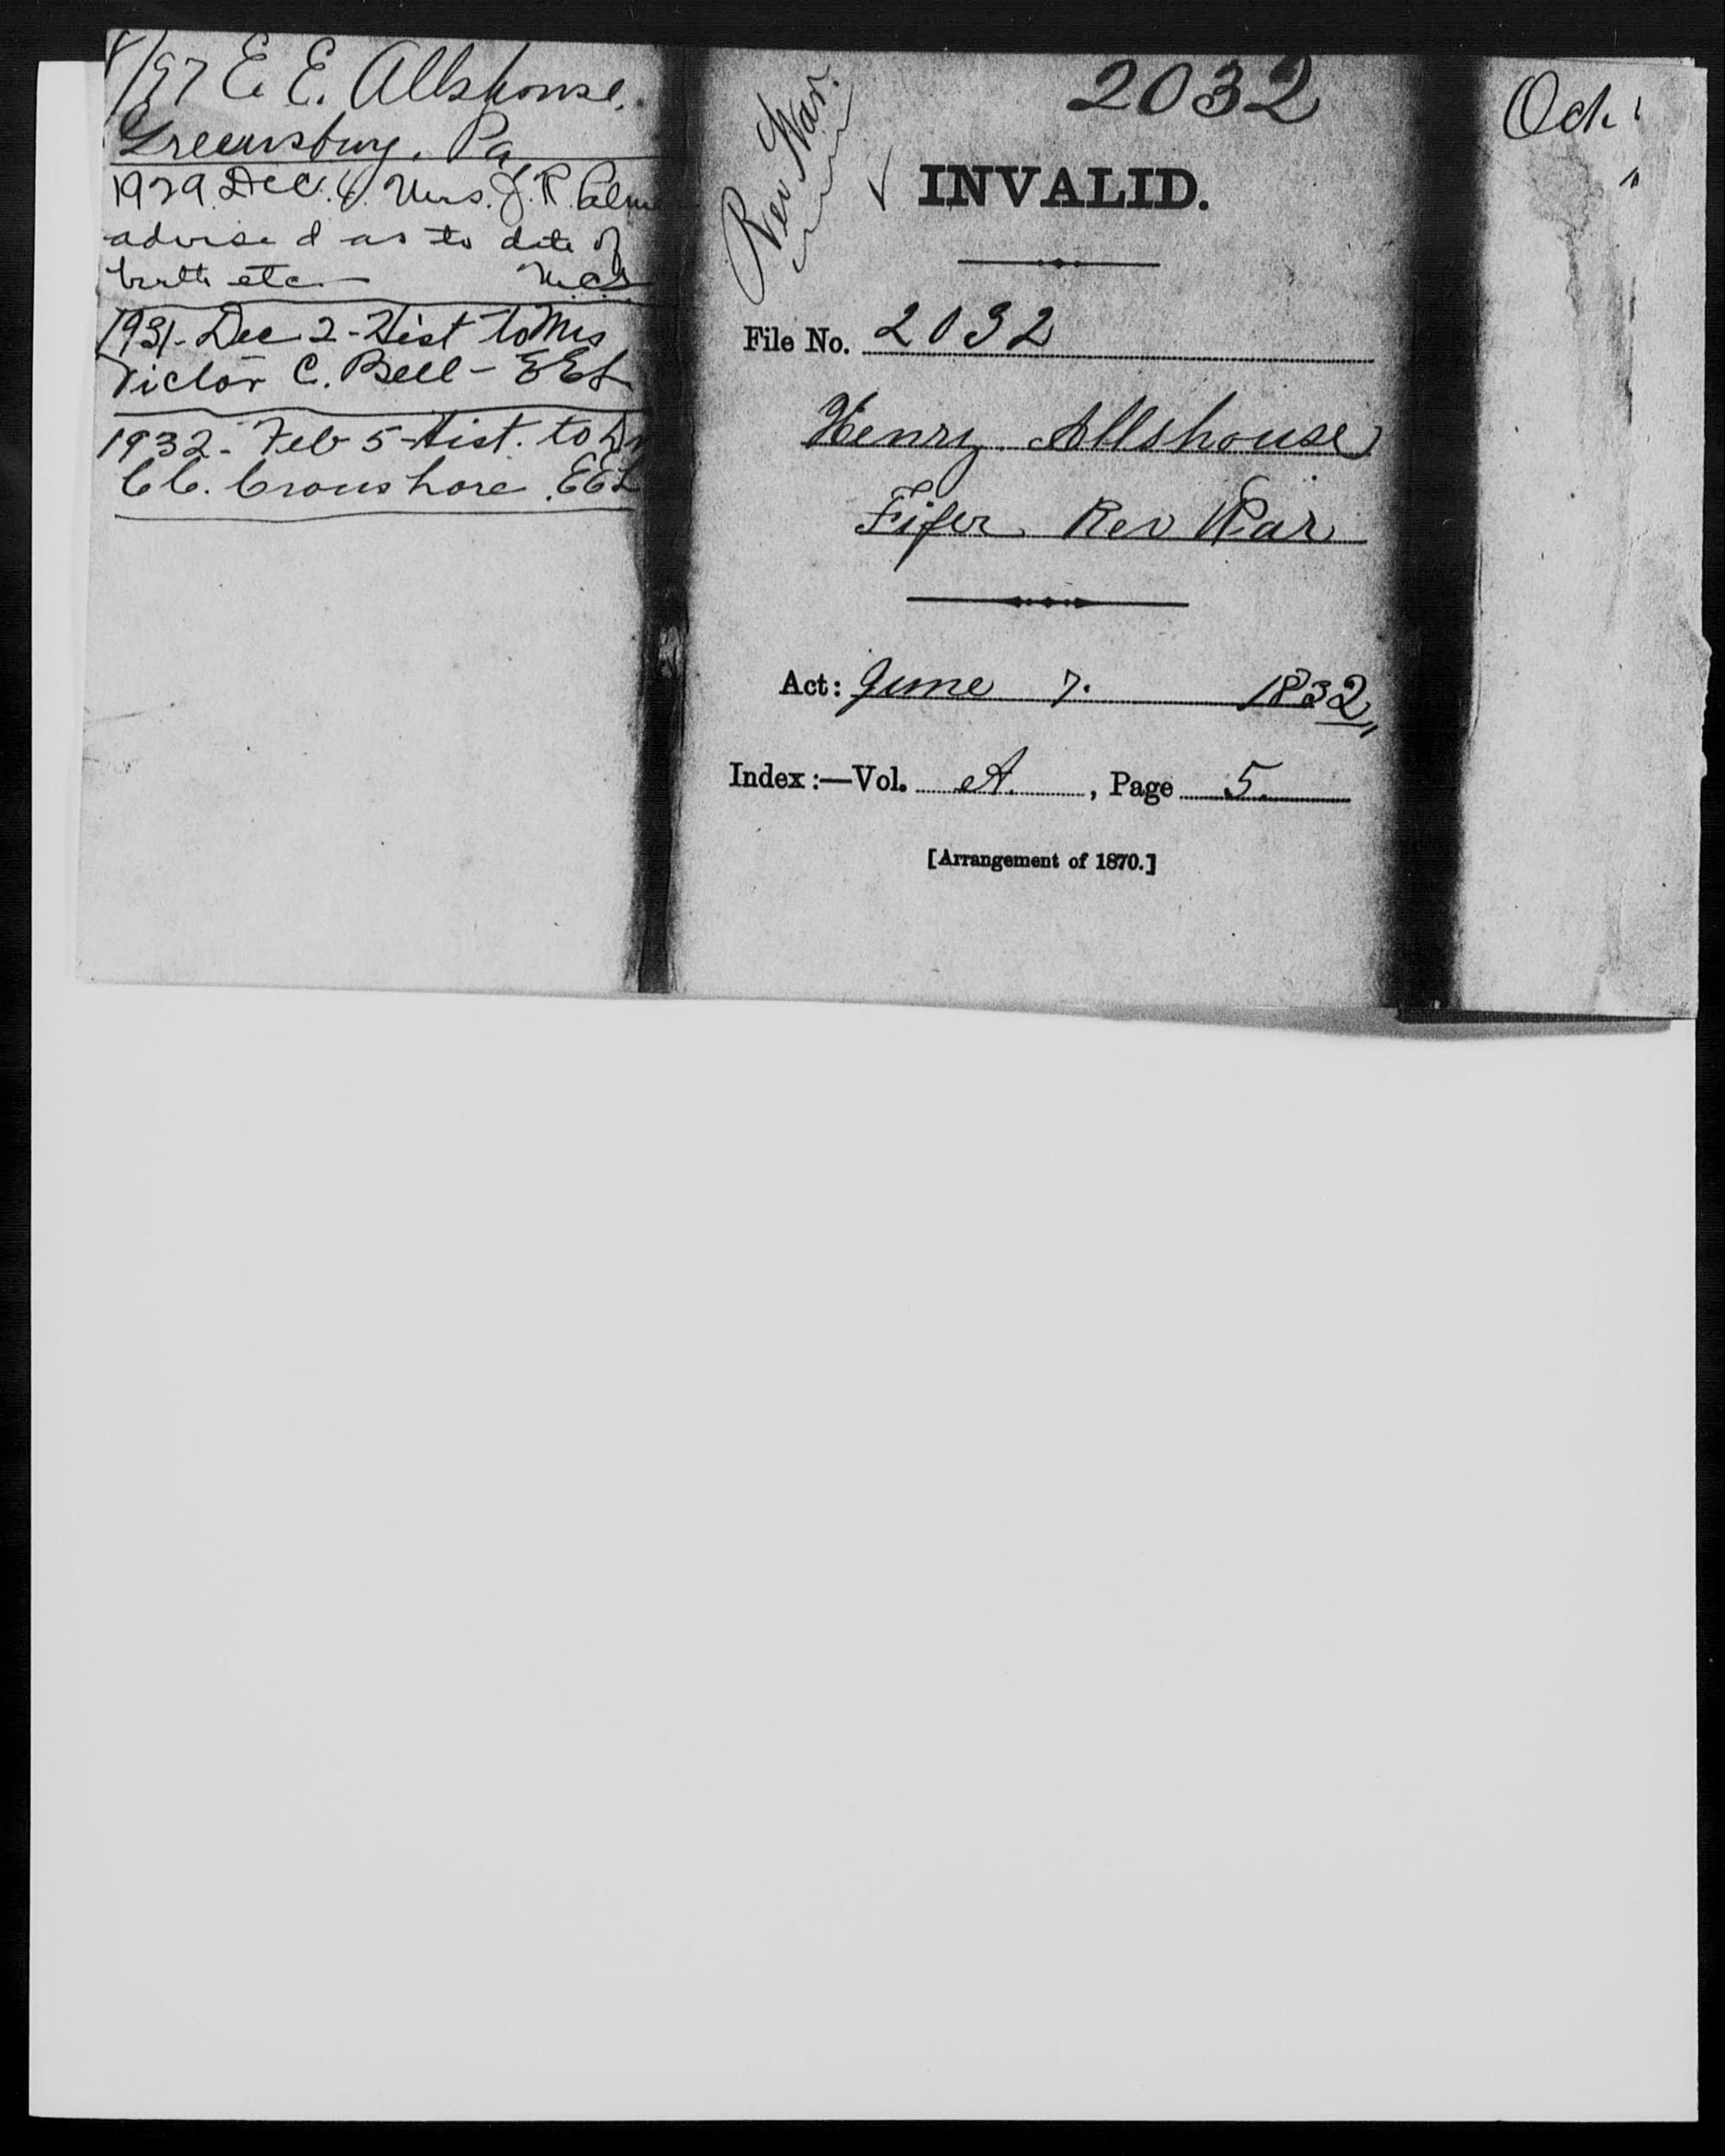?/97 E E Allshouse
Greensburg, Pa.

1929 Dec. Vers.  J. R. Palm |
advised as to date of ┃
birth etc.

1931 - Dec 2- Hist to Mrs
Victor C. Bell -  EEL |

1932, Feb 5 Hist to |
C. C. Croushore EEL┃

Rev War
2032
INVALID.
File No. 2032
Henry Allshouse
Fifer Rev War 
Act: June 7 .1832 ┃
Index: -- Vol. A,  Page 5.
[Arrangement of 1870.]

Ock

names: E E Allshouse, C C Croushore, J R, Henry Allshouse, Victor C Bell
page: 12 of 24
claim: survivor's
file: S. 2032, Henry Allshouse, Penn.